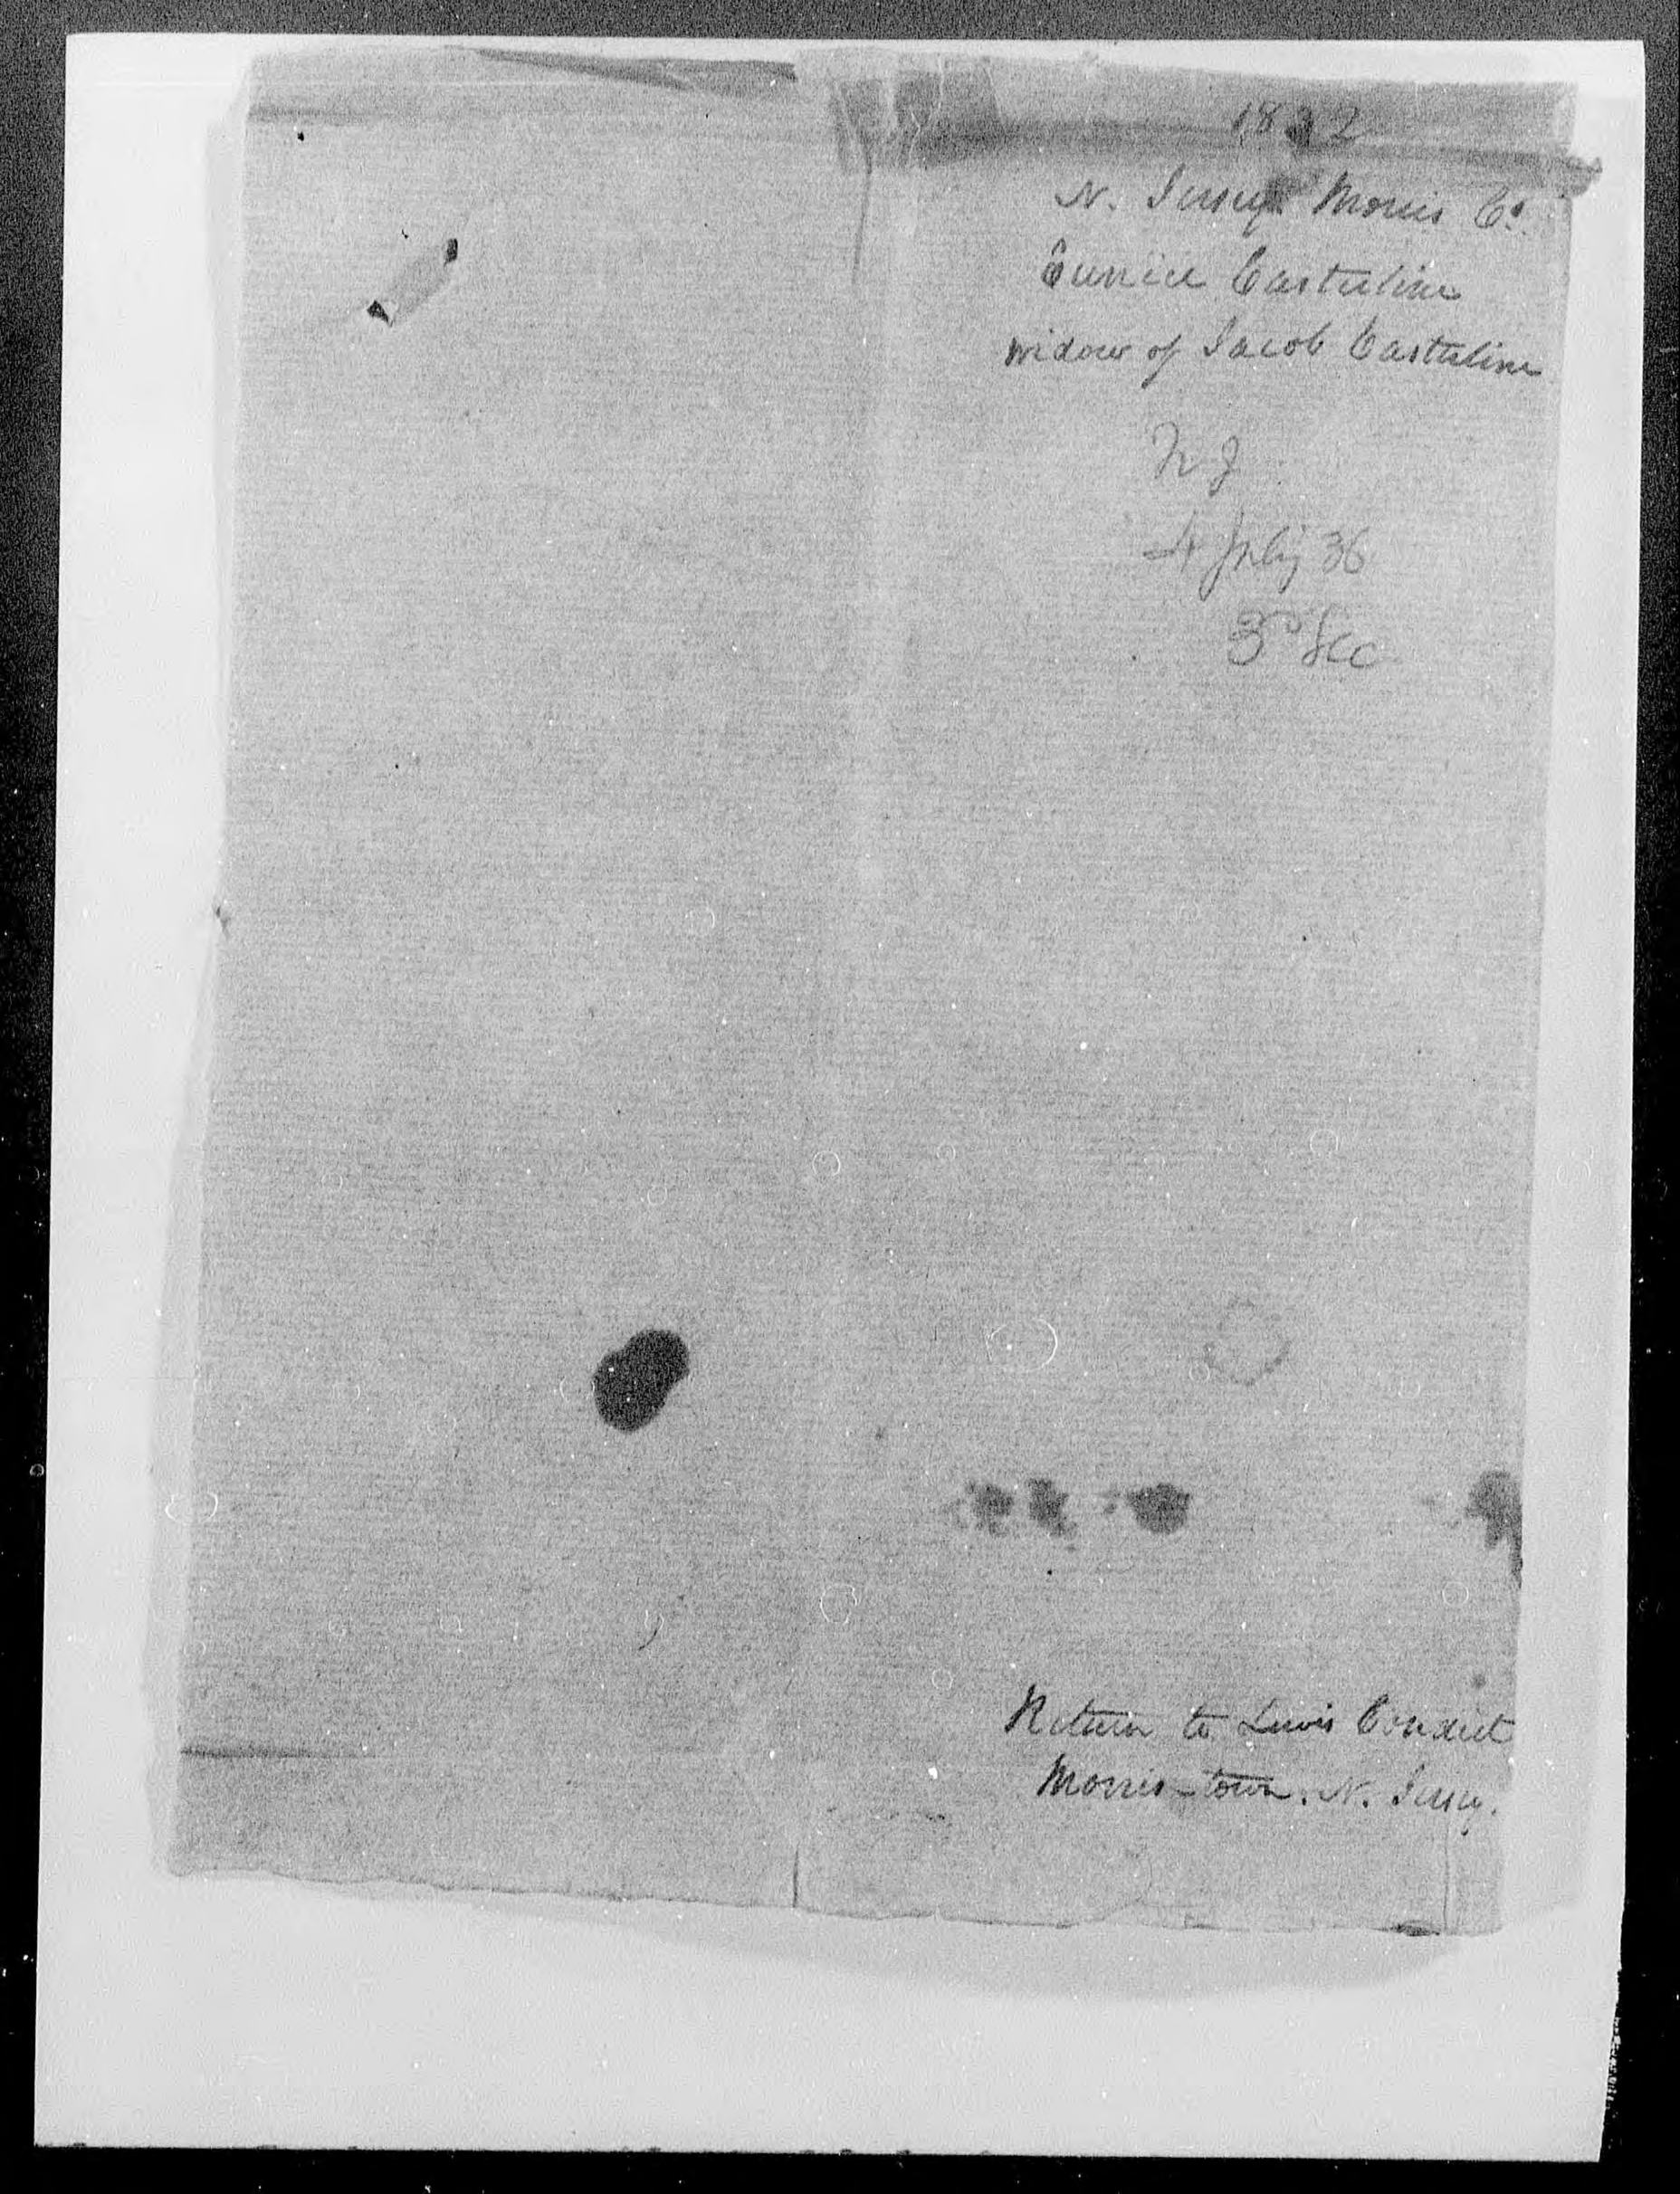1832
N. Jersey Morris Co.
Eunice Casterline
widow of Jacob Casterline 

N. J.
4 July 36
3 Sec

Return to Lewis Condict
Morristown N. Jersey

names: Eunice Casterline, Lewis Condict, Jacob Casterline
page: 16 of 38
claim: widow's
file: W. 6644, Jacob Casterline, New Jersey